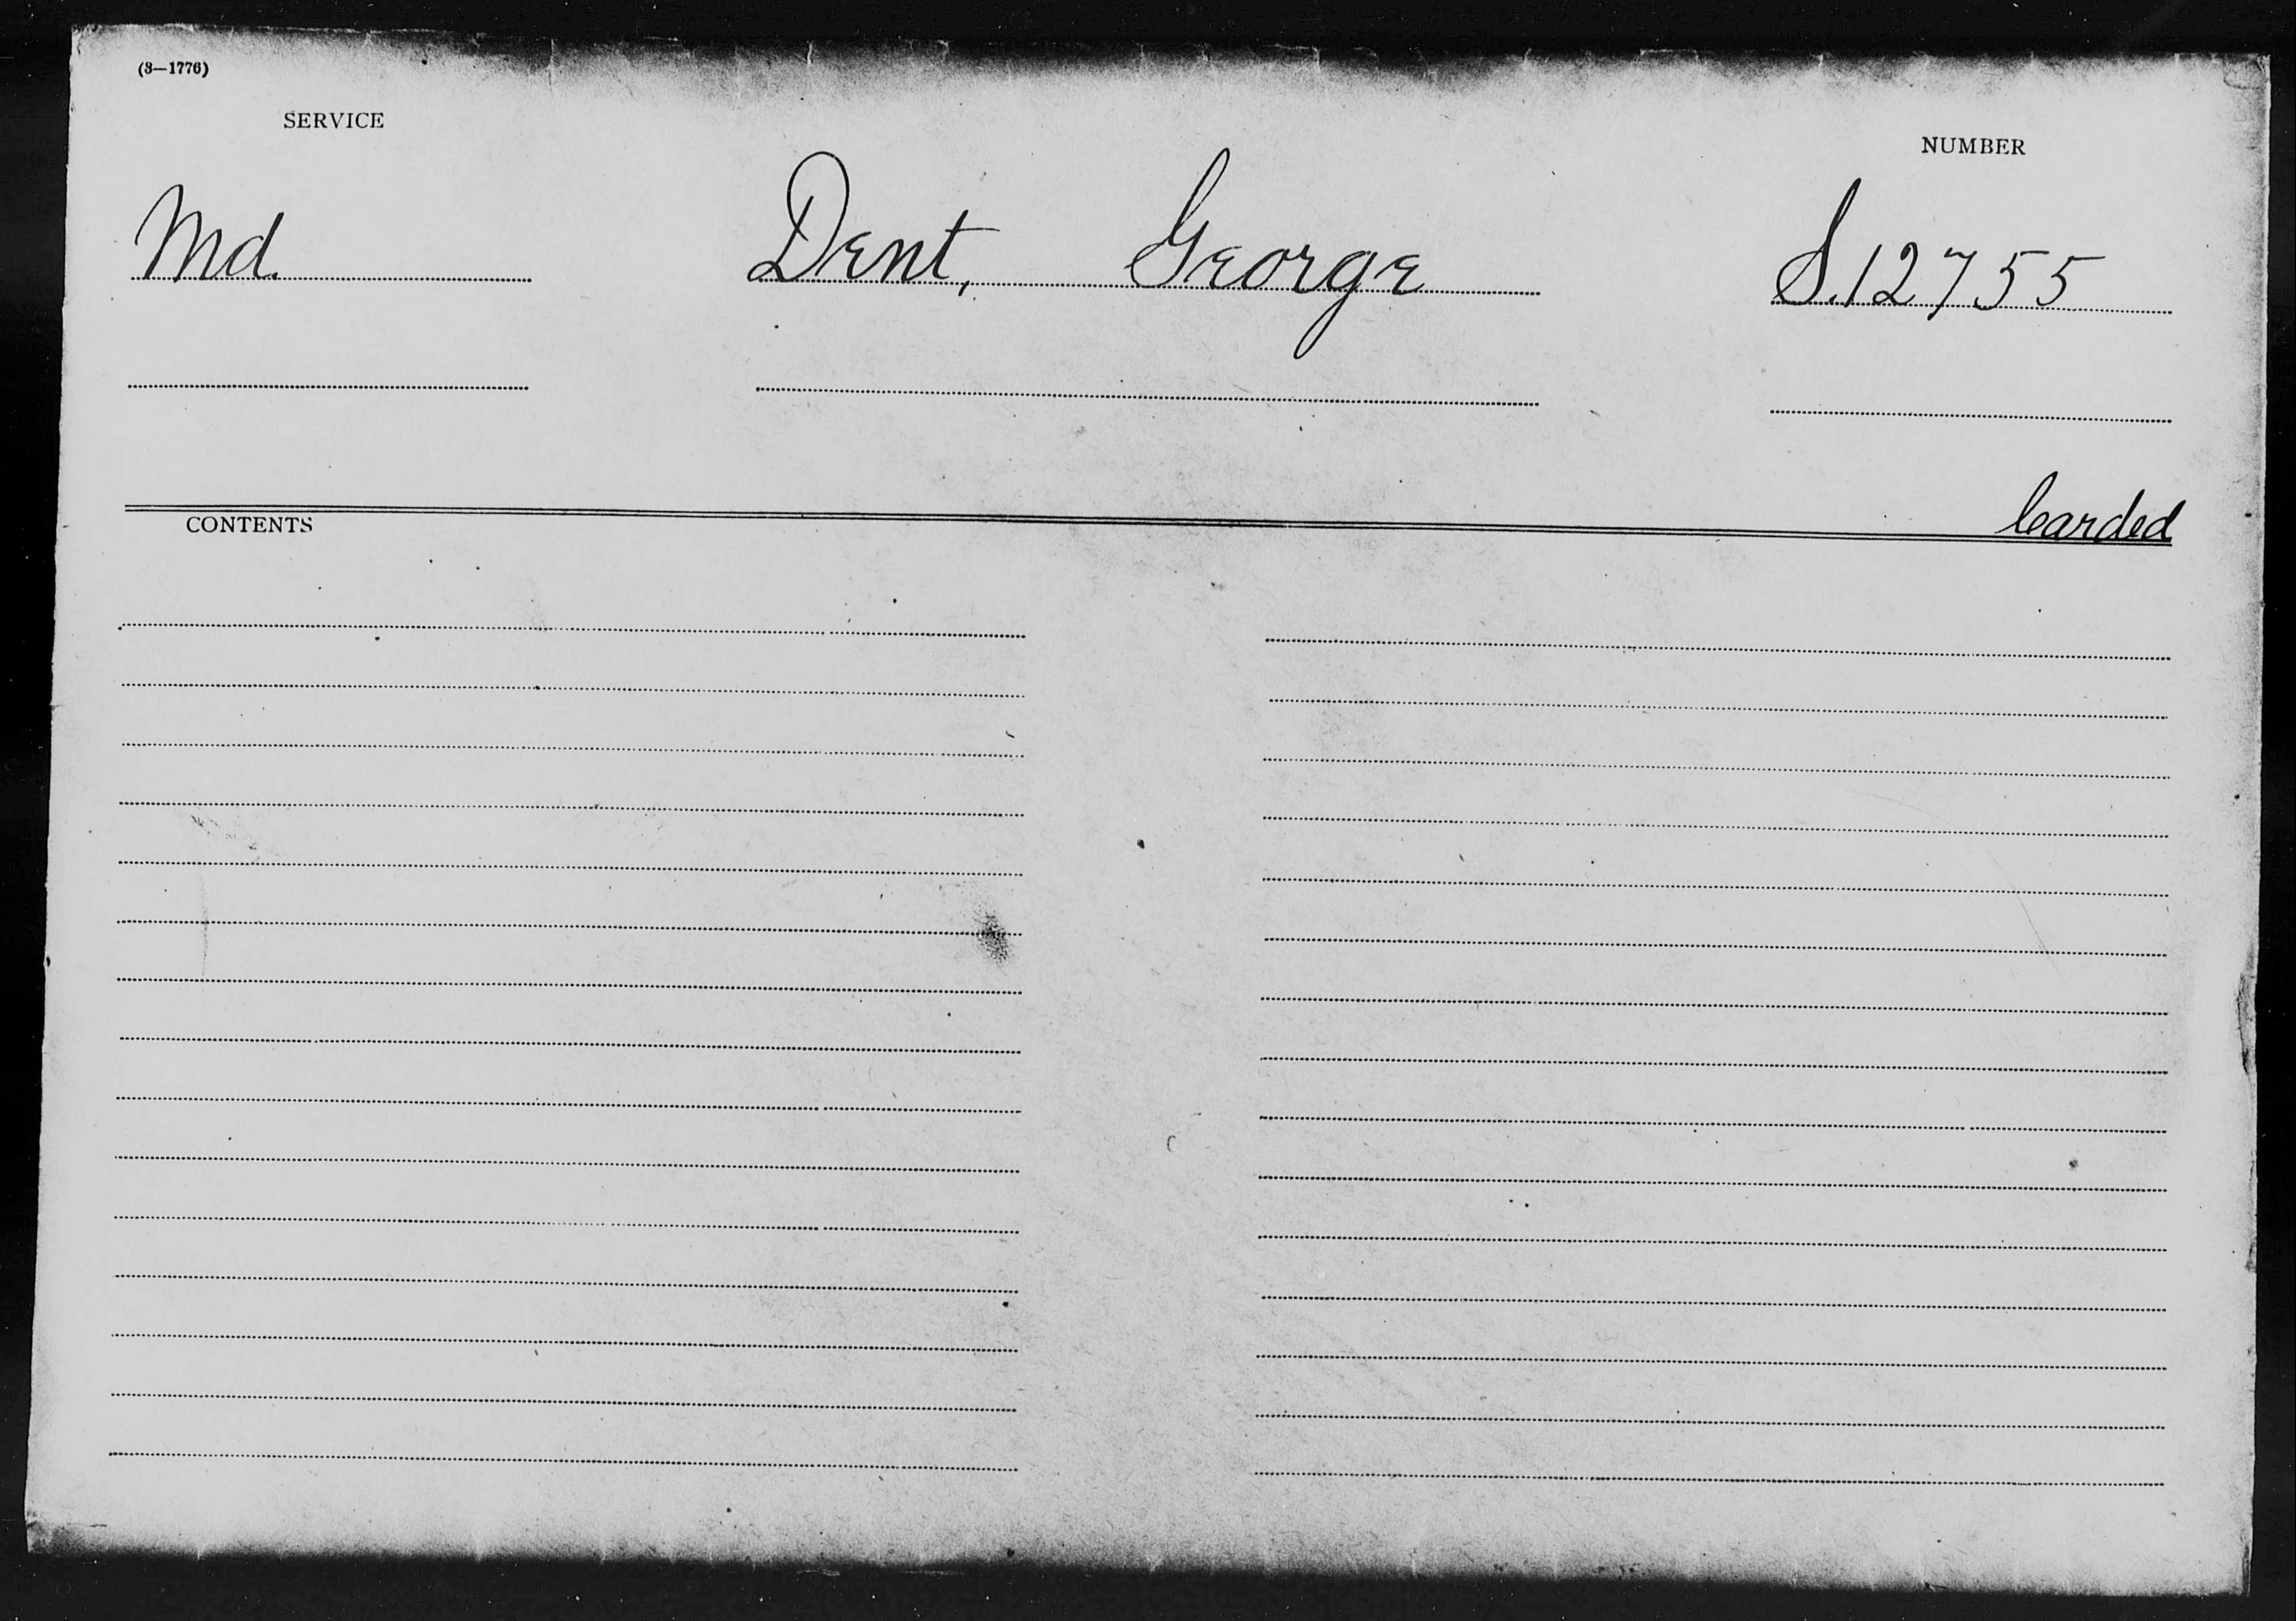(3-1776) 
SERVICE   NUMBER
Md.     Dent, George     S.12755
Carded
CONTENTS [blank]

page: 1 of 49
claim: survivor's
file: S. 12755, George Dent, Md.